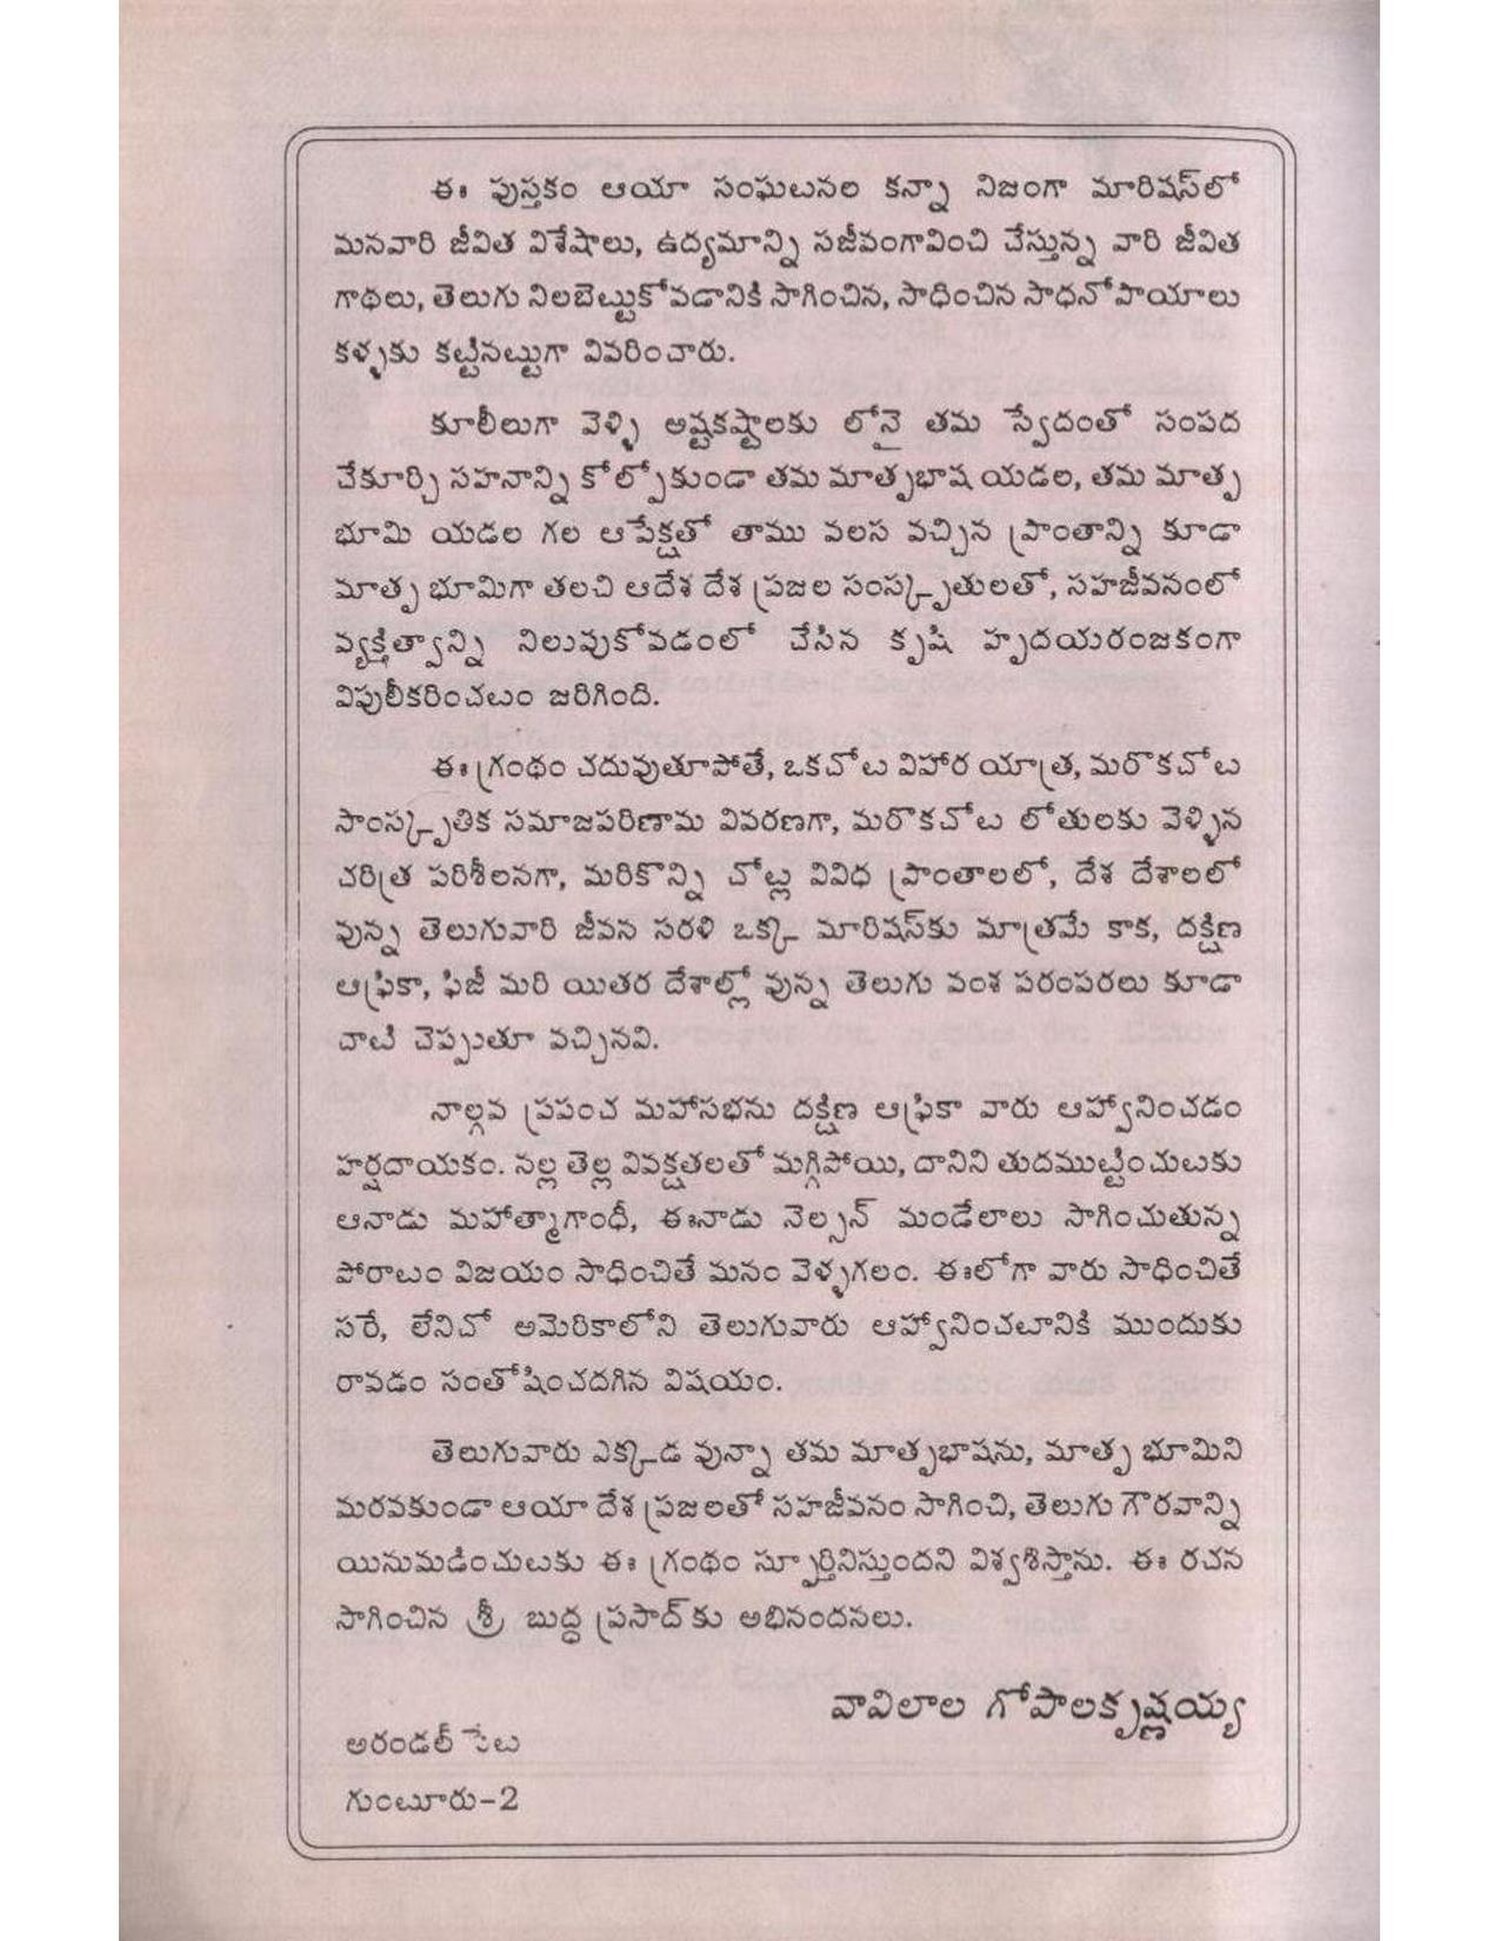ఈ పుస్తకం ఆయా సంఘటనల కన్నా నిజంగా మారిషస్‌లో మనవారి జీవిత విశేషాలు, ఉద్యమాన్ని సజీవంగావించి చేస్తున్న వారి జీవిత గాథలు, తెలుగు నిలబెట్టుకోవడానికి సాగించిన, సాధించిన సాధనోపాయాలు కళ్ళకు కట్టినట్టుగా వివరించారు.

కూలీలుగా వెళ్ళి అష్టకష్టాలకు లోనై తమ స్వేదంతో సంపద చేకూర్చి సహనాన్ని కోల్పోకుండా తమ మాతృభాష యడల, తమ మాతృ భూమి యడల గల ఆపేక్షతో తాము వలస వచ్చిన ప్రాంతాన్ని కూడా మాతృ భూమిగా తలచి ఆదేశ దేశప్రజల సంస్కృతులతో, సహజీవనంలో వ్యక్తిత్వాన్ని నిలుపుకోవడంలో చేసిన కృషి హృదయరంజకంగా విపులీకరించటం జరిగింది.

ఈ గ్రంథం చదువుతూపోతే, ఒకచోట విహార యాత్ర, మరొకచోట సాంస్కృతిక సమాజపరిణామ వివరణగా, మరొకచోట లోతులకు వెళ్ళిన చరిత్ర పరిశీలనగా, మరికొన్ని చోట్ల వివిధ ప్రాంతాలలో, దేశ దేశాలలో వున్న తెలుగువారి జీవన సరళి ఒక్క మారిషస్‌కు మాత్రమే కాక, దక్షిణ ఆఫ్రికా, ఫిజీ మరి యితర దేశాల్లో వున్న తెలుగు వంశ పరంపరలు కూడా చాటి చెప్పుతూ వచ్చినవి.

నాల్గవ ప్రపంచ మహాసభను దక్షిణ ఆఫ్రికావారు ఆహ్వానించడం హర్షదాయకం. నల్ల తెల్ల వివక్షతలతో మగ్గిపోయి, దానిని తుదముట్టించుటకు ఆనాడు మహాత్మాగాంధీ, ఈనాడు నెల్సన్ మండేలాలు సాగించుతున్న పోరాటం విజయం సాధించితే మనం వెళ్ళగలం. ఈలోగా వారు సాధించితే సరే, లేనిచో అమెరికాలోని తెలుగువారు ఆహ్వానించటానికి ముందుకు రావడం సంతోషించదగిన విషయం.

తెలుగువారు ఎక్కడ వున్నా తమ మాతృభాషను, మాతృభూమిని మరవకుండా ఆయా దేశ ప్రజలతో సహజీవనం సాగించి, తెలుగు గౌరవాన్ని యినుమడించుటకు ఈ గ్రంథం స్పూర్తినిస్తుందని విశ్వశిస్తాను. ఈ రచన సాగించిన శ్రీ బుద్ధ ప్రసాద్‌కు అభినందనలు.
వావిలాల గోపాలకృష్ణయ్య
అరండర్ పేట
గుంటూరు-2